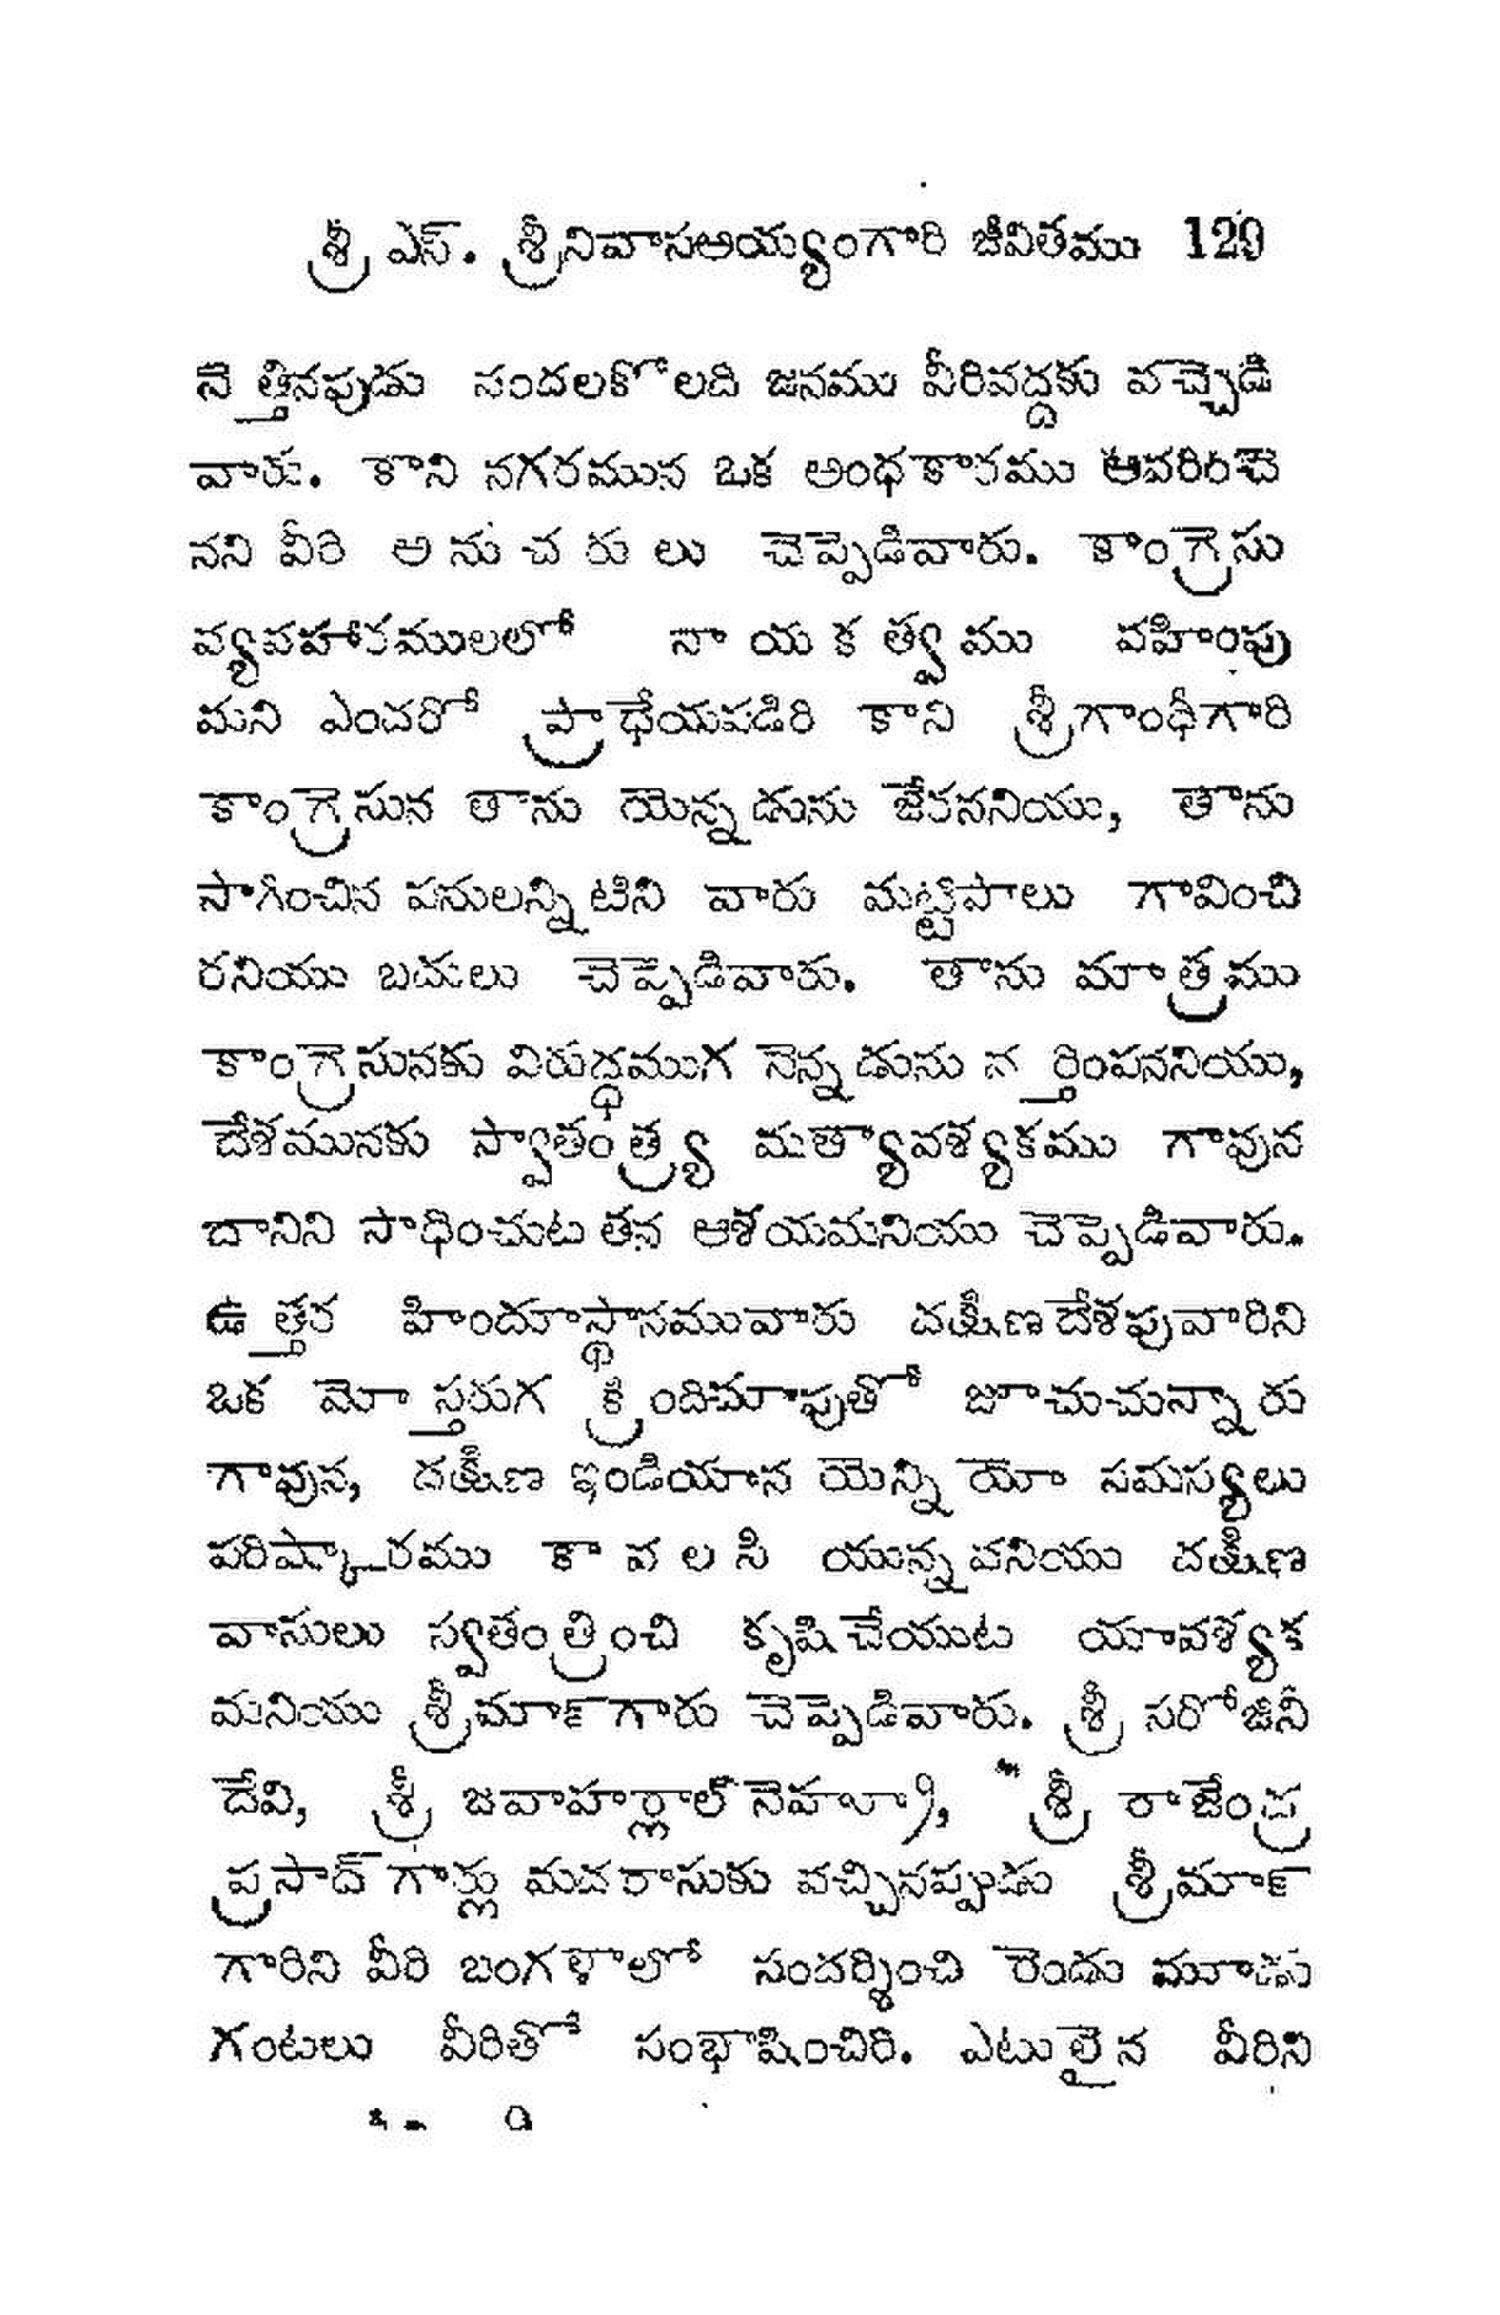నెత్తినపుడు వందలకొలది జనము వీరివద్దకు వచ్చెడివారు. కాని నగరమున ఒక అంధకారము ఆవరించె నని వీరి అనుచరులు చెప్పెడివారు. కాంగ్రెసు వ్యవహారములలో నాయకత్వము వహింపుమని ఎందరో ప్రాధేయపడిరి కాని శ్రీగాంధీగారి కాంగ్రెసున తాను యెన్నడును జేరననియు, తాను సాగించిన పనులన్నిటిని వారు మట్టిపాలు గావించిరనియు బదులు చెప్పెడివారు. తాను మాత్రము కాంగ్రెసునకు విరుద్ధముగ నెన్నడును వర్తింపసనియు, దేశమునకు స్వాతంత్ర్య మత్యావశ్యకము గావున దానిని సాధించుట తన ఆశయమనియు చెప్పెడివారు. ఉత్తర హిందూస్థానమువారు దక్షిణదేశపువారిని ఒక మోస్తరుగ క్రిందిచూపుతో జూచుచున్నారు గావున, దక్షిణ ఇండియాన యెన్నియో సమస్యలు పరిష్కారము కావలసి యున్నవనియు దక్షిణ వాసులు స్వతంత్రించి కృషిచేయుట యావశ్యకమనియు శ్రీమా౯గారు చెప్పెడివారు. శ్రీ సరోజినీదేవి, శ్రీ జవాహర్లాల్ నెహ్రూ, శ్రీ రాజేంద్రప్రసాద్ గార్లు మదరాసుకు వచ్చినప్పుడు శ్రీమా౯ గారిని వీరి బంగళాలో సందర్శించి రెండు మూడు గంటలు వీరితో సంభాషించిరి. ఎటులైన వీరిని